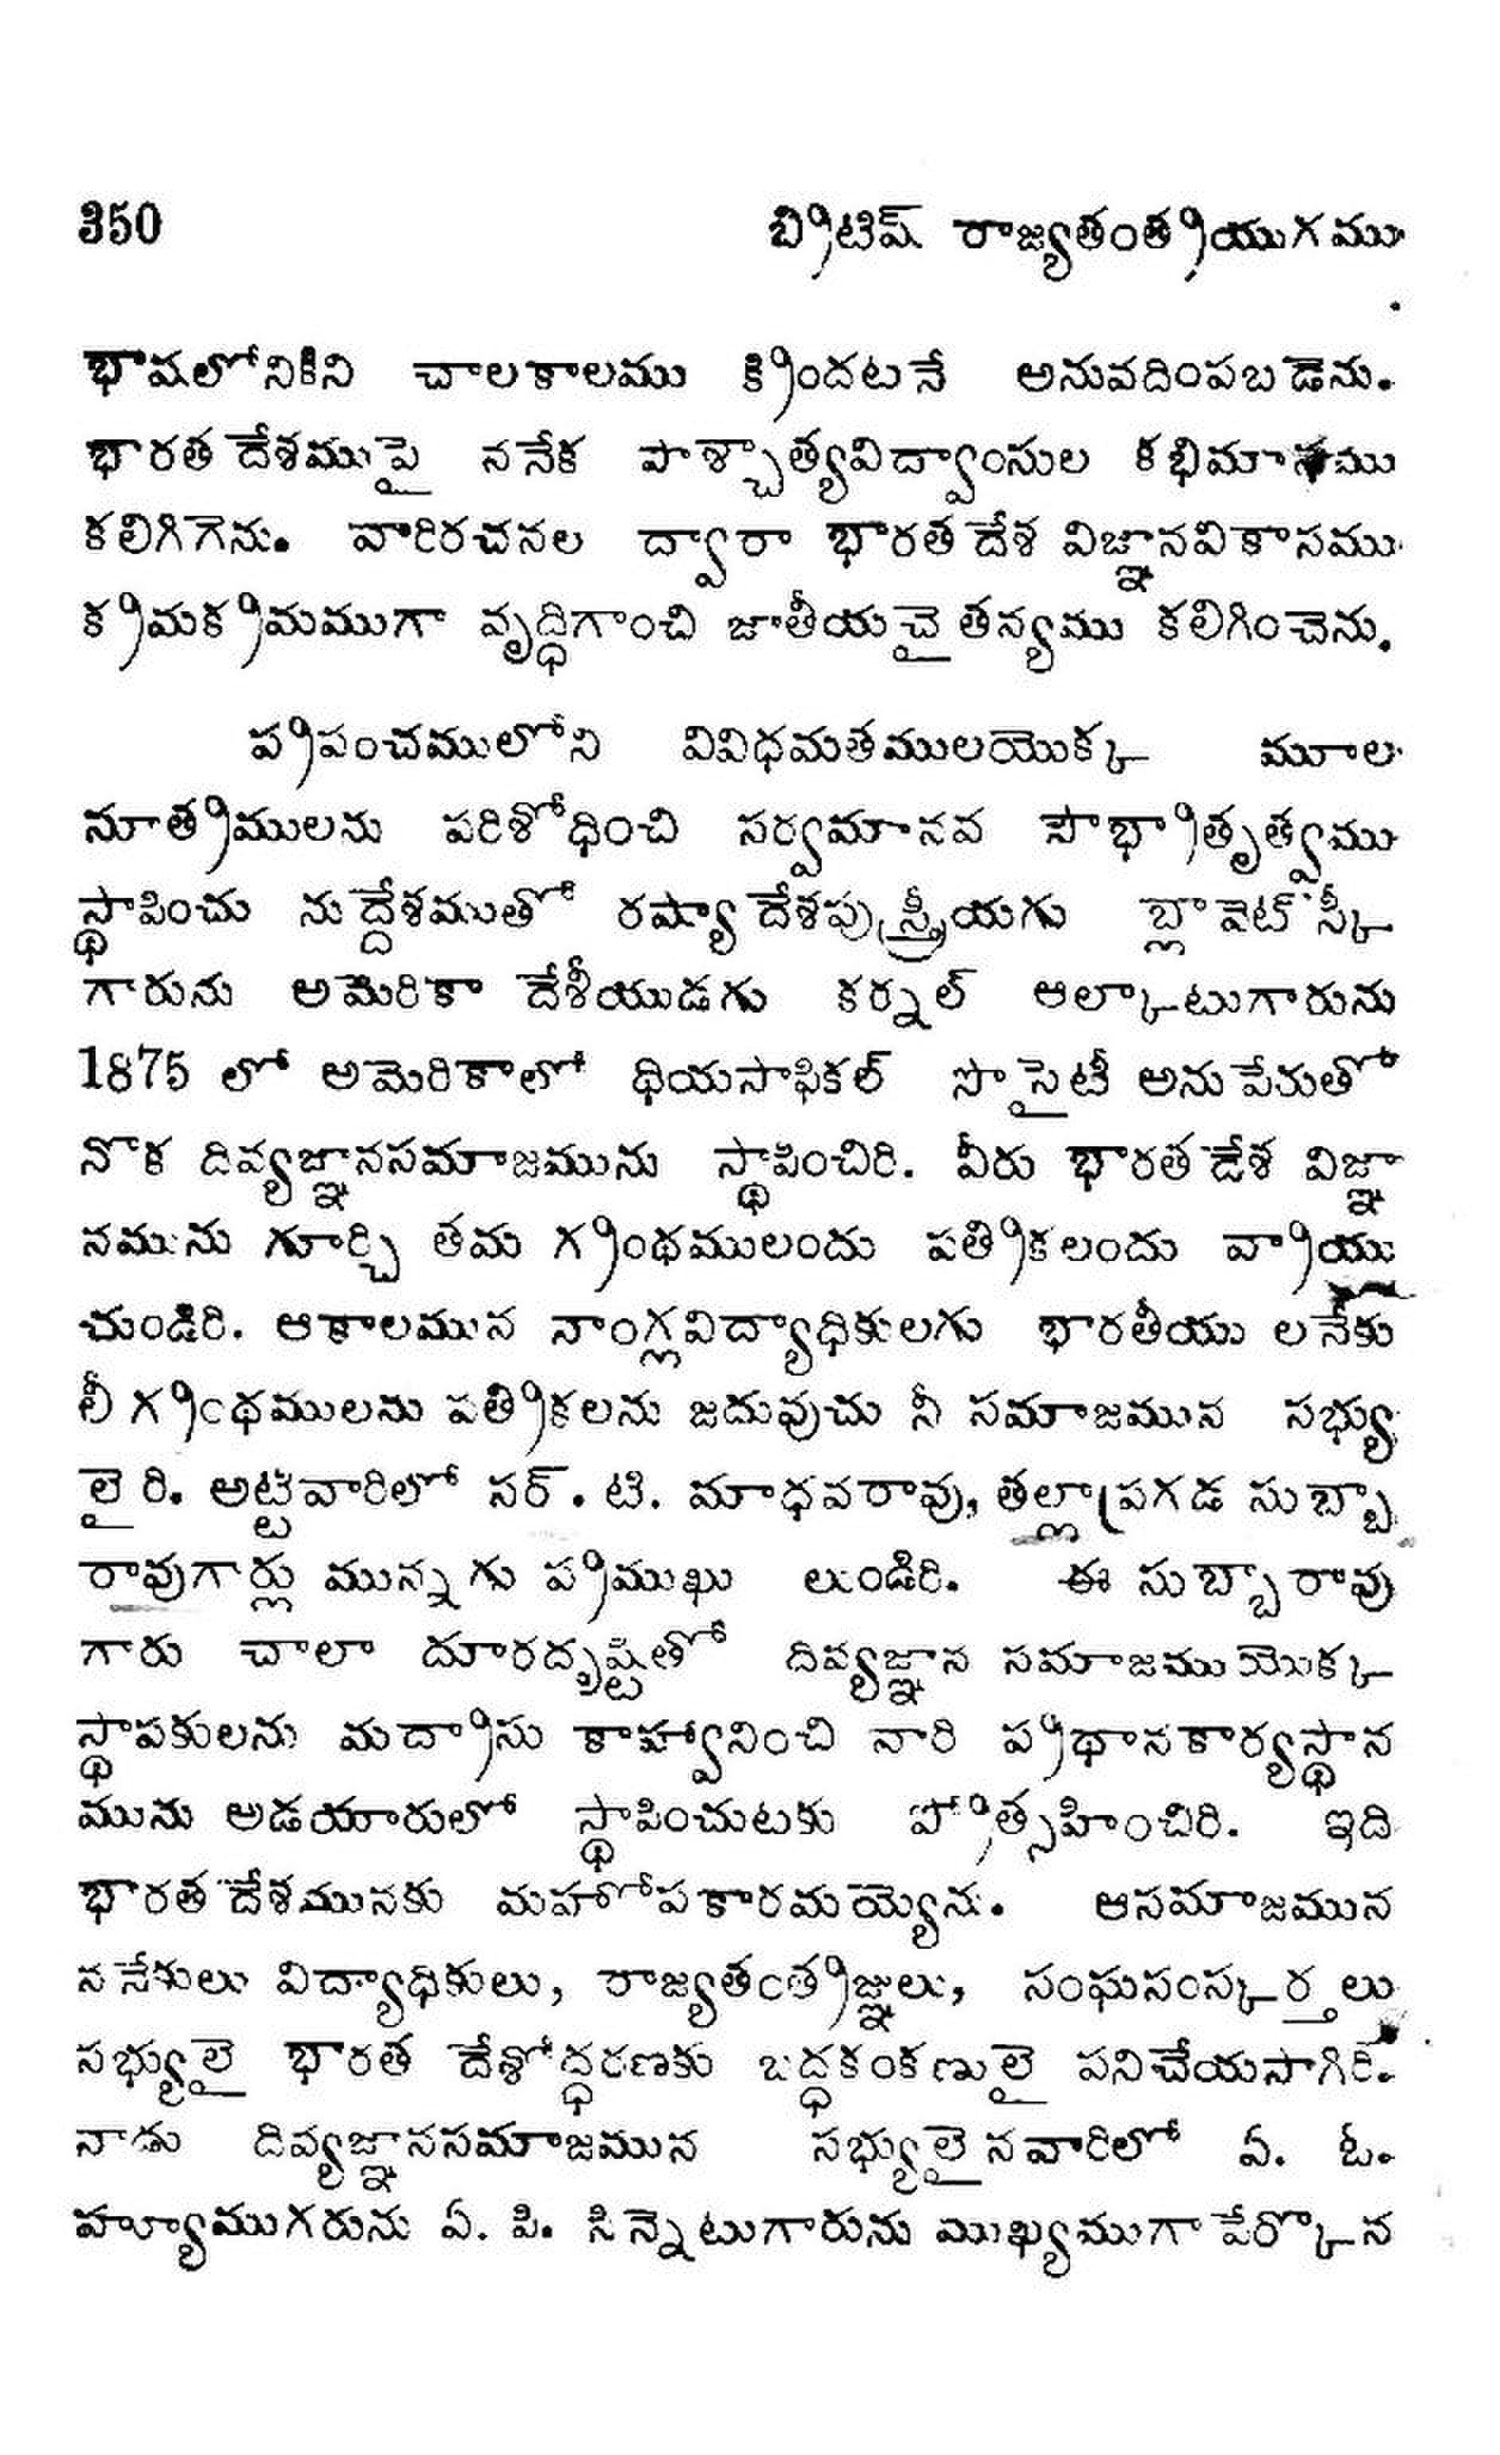భాషలోనికిని చాలకాలము క్రిందటనే అనువదింపబడెను. భారతదేశముపై ననేక పాశ్చాత్యవిద్వాంసుల కభిమానము కలిగెను. వారిరచనల ద్వారా భారతదేశ విజ్ఞానవికాసము. క్రమక్రమముగా వృద్ధిగాంచి జాతీయచైతన్యము కలిగించెను,

ప్రపంచములోని వివిధమతములయొక్క మూలసూత్రములను పరిశోధించి సర్వమానవ సౌభ్రాతృత్వము స్థాపించు నుద్దేశముతో రష్యాదేశపుస్త్రీయగు బ్లావెట్‌స్కీ గారును అమెరికా దేశీయుడగు కర్నల్ ఆల్కాటుగారును 1875 లో అమెరికాలో థియసాఫికల్ సొసైటీ అనుపేరుతో నొక దివ్యజ్ఞానసమాజమును స్థాపించిరి. వీరు భారతదేశ విజ్ఞానమును గూర్చి తమ గ్రంథములందు పత్రికలందు వ్రాయుచుండిరి. ఆకాలమున నాంగ్లవిద్యాధికులగు భారతీయు లనేకు లీ గ్రంథములను పత్రికలను జదువుచు నీ సమాజమున సభ్యులైరి. అట్టివారిలో సర్. టి. మాధవరావు, తల్లాప్రగడ సుబ్బారావుగార్లు మున్నగు ప్రముఖు లుండిరి. ఈ సుబ్బారావుగారు చాలా దూరదృష్టితో దివ్యజ్ఞాన సమాజముయొక్క స్థాపకులను మద్రాసు కాహ్వానించి వారి ప్రథానకార్యస్థానమును అడయారులో స్థాపించుటకు పోత్సహించిరి. ఇది
భారతదేశమునకు మహోపకారమయ్యెను. ఆసమాజమున ననేకులు విద్యాధికులు, రాజ్యతంత్రజ్ఞులు, సంఘసంస్కర్తలు సభ్యులై భారత దేశోద్ధరణకు బద్దకంకణులై పనిచేయసాగిరి. నాడు దివ్యజ్ఞానసమాజమున సభ్యులైన వారిలో ఏ. ఓ. హ్యూముగారును ఏ. పి. సిన్నెటుగారును ముఖ్యముగా పేర్కొన